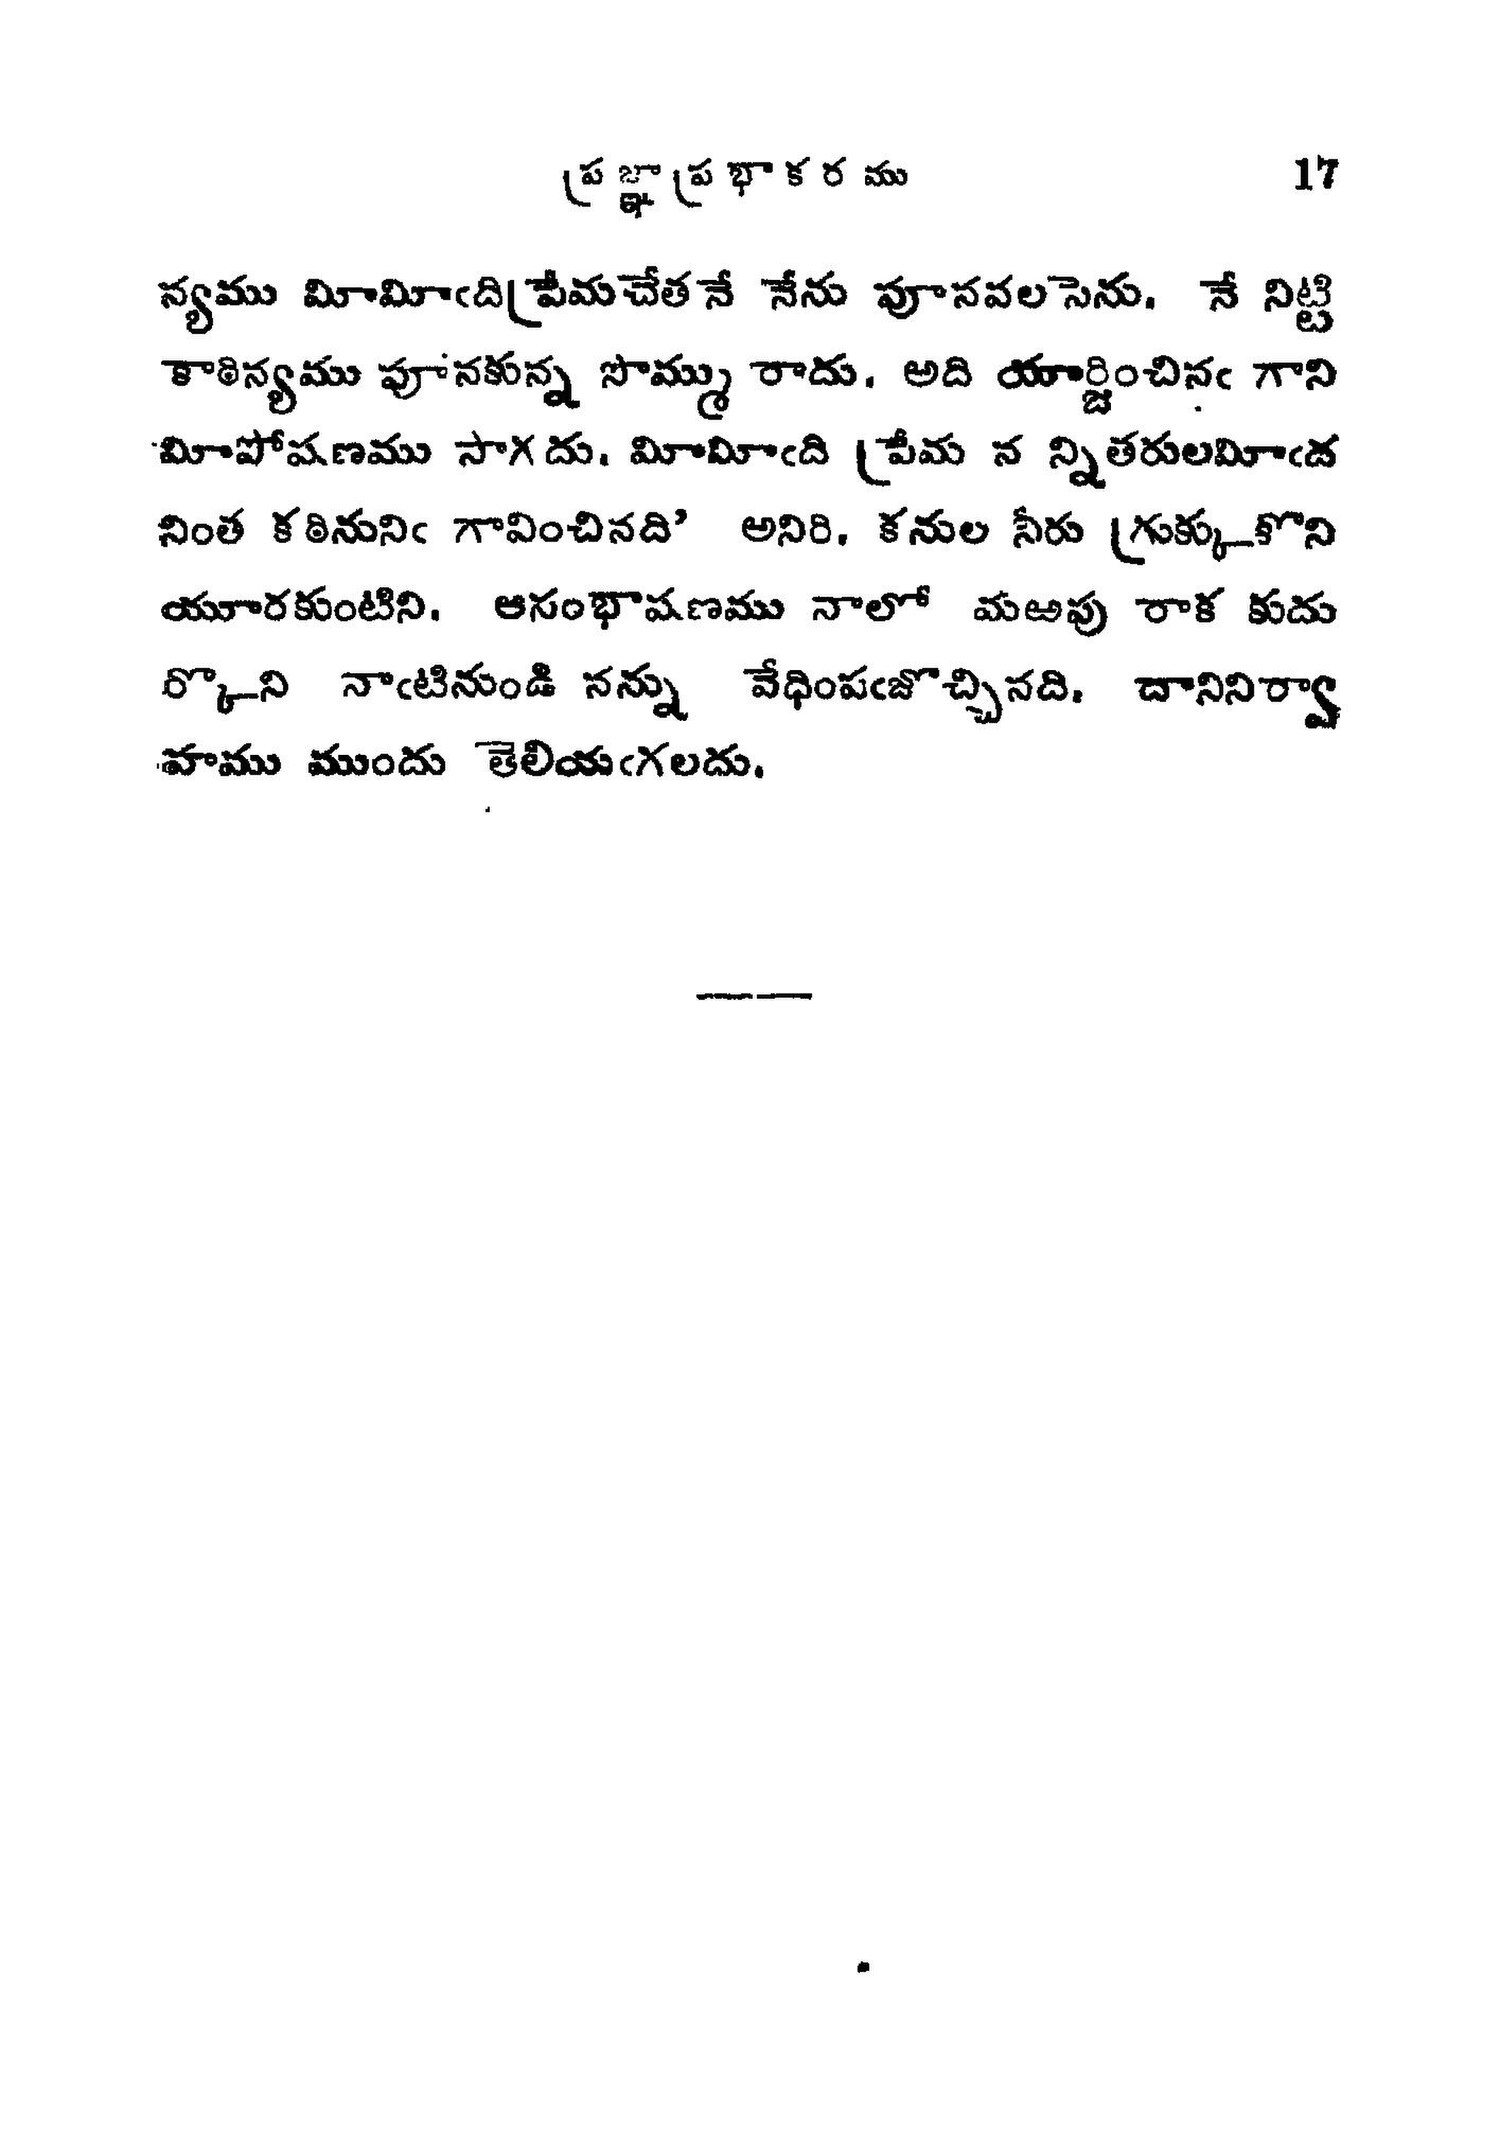న్యము మీమీమిద ప్రేమ చేతనే నేను పూనావలసెను. నే నిట్టి కాఠిన్యము పూనకున్న సొమ్ము రాదు. అది యార్జించినఁ గాని మిషోషణము సాగదు. మీమీది ప్రేమ నన్నితరుల మిఁద నింత కఠినునిఁ గావించినది' అనిరి. కనుల నీరు గ్రుక్కుకొని యూరకుంటిని. ఆ సంభాషణము నాలో మఱుపురాక కుదుర్కొని నాఁటినుండి నన్ను వేధింపజోచ్చినది. దానినిర్వాహము ముందు తెలియఁగలదు.